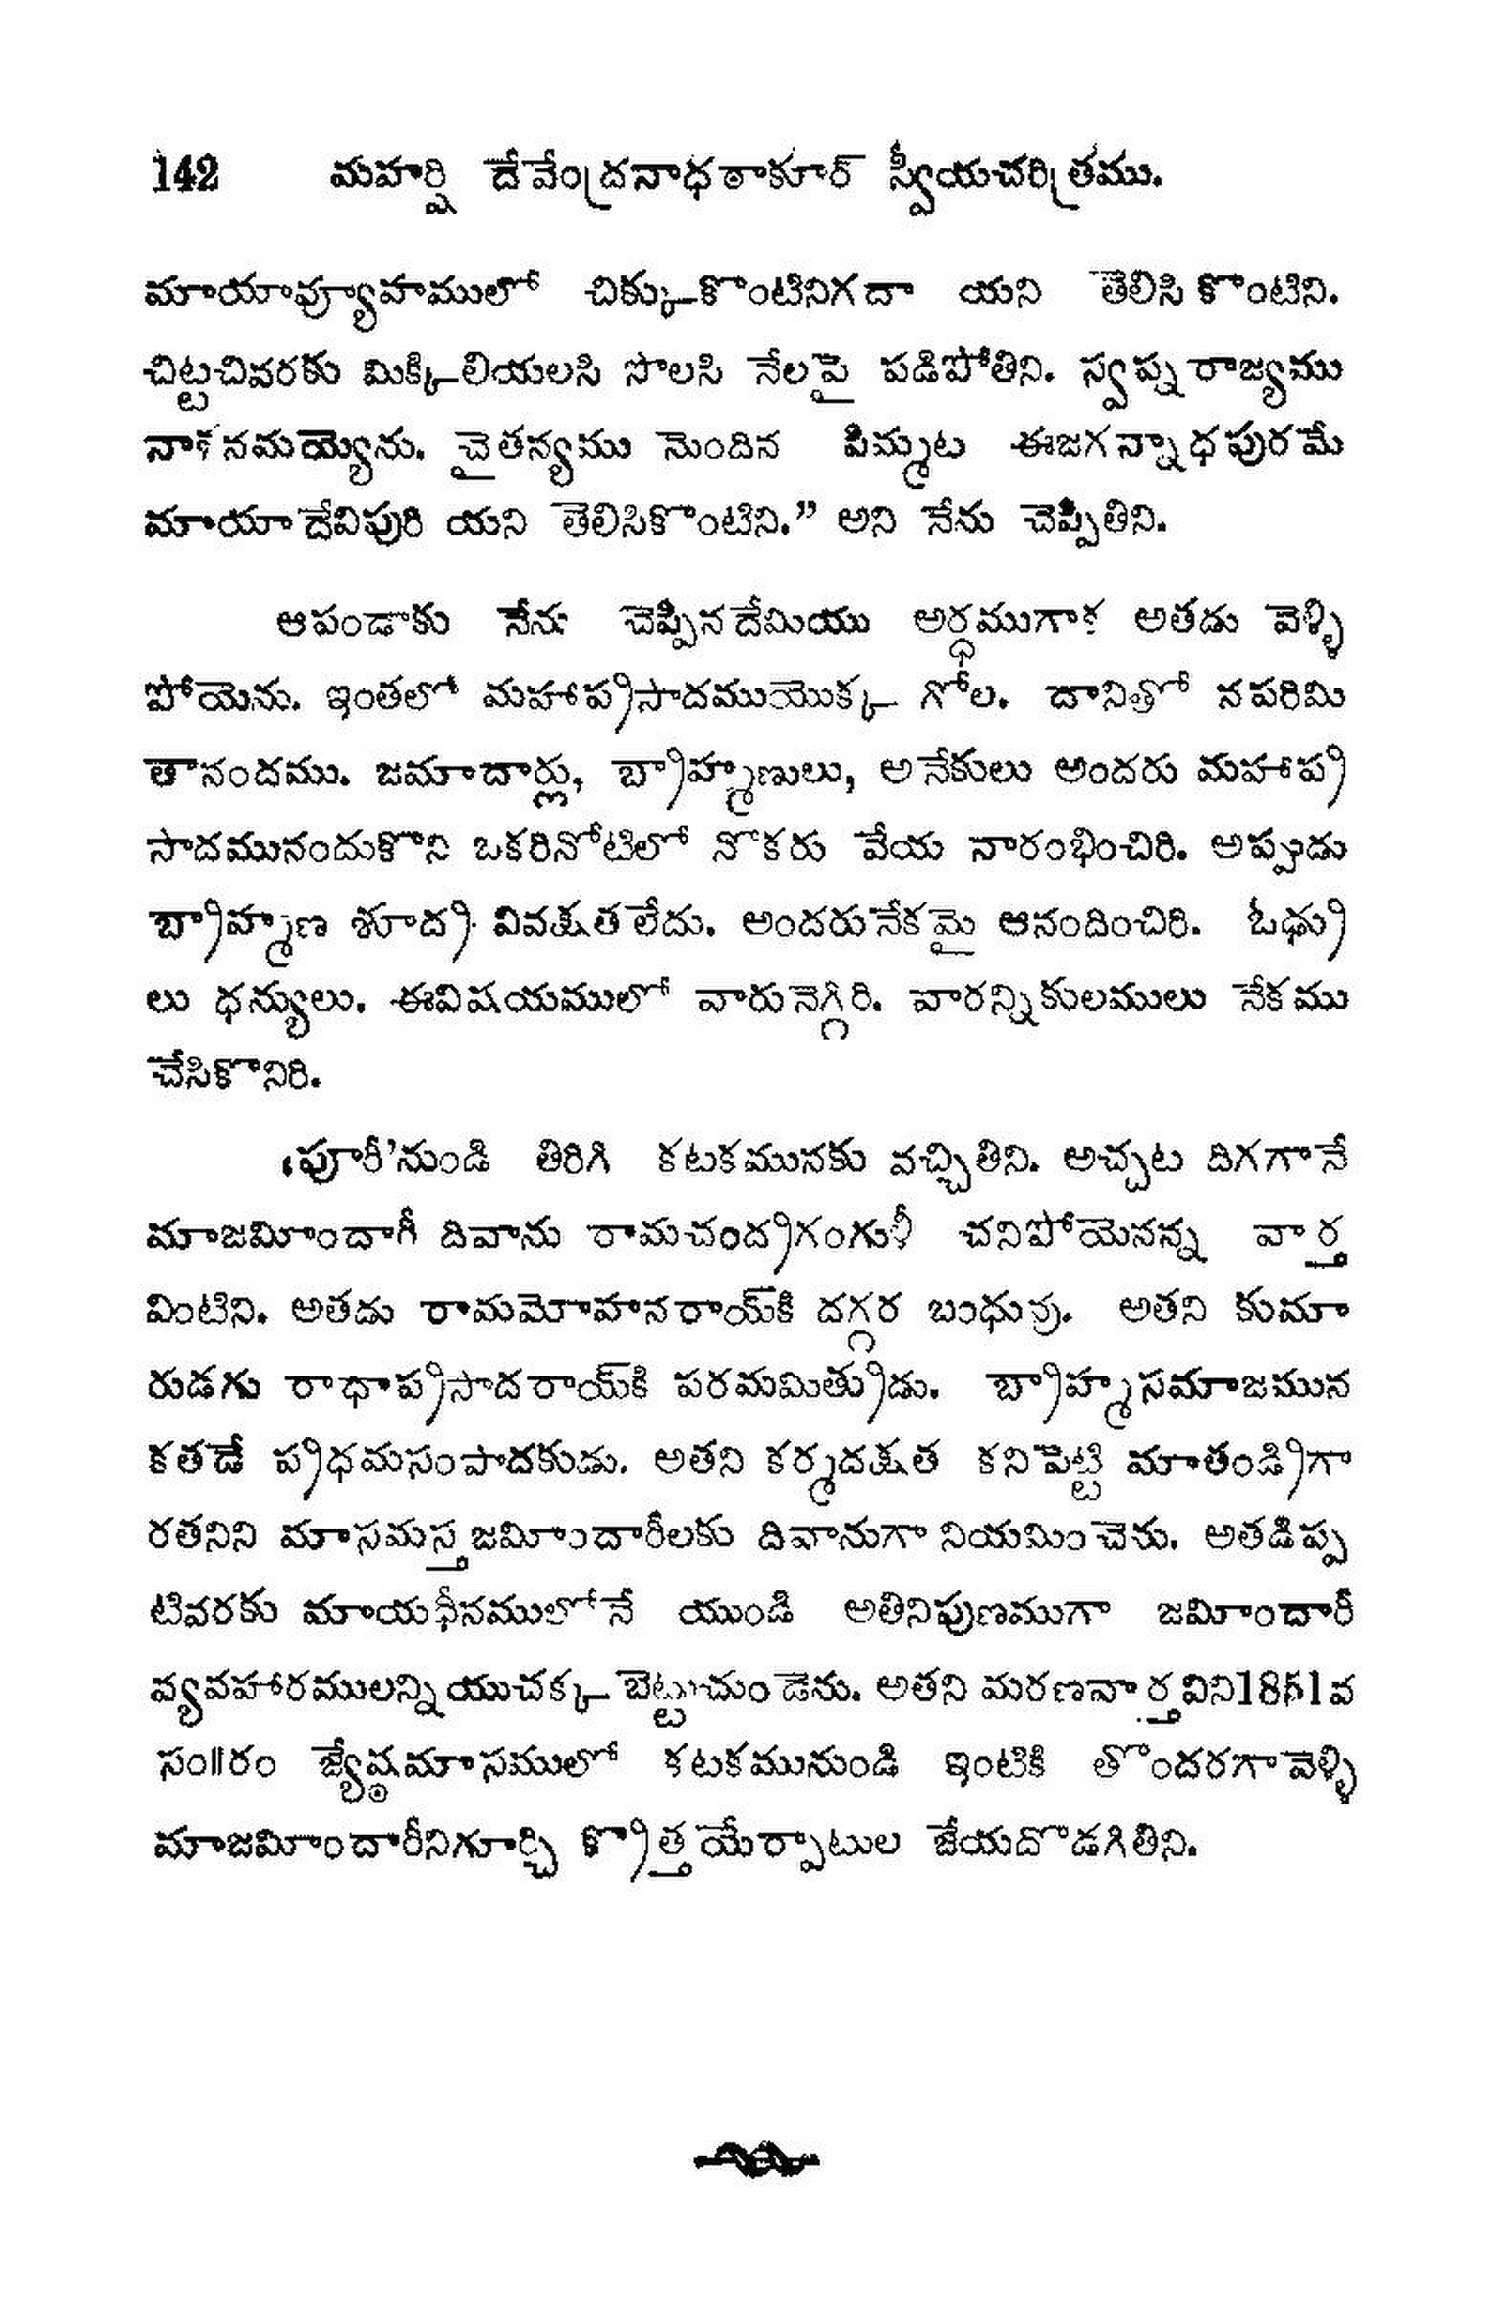మాయా వ్యూహములో చిక్కుకొంటిని గదా యని 'తెలిసి కొంటిని.
చిట్టచివరకు మిక్కిలియలసి సొలసి నేలపై పడిపోతిని. స్వప్న రాజ్యము
నా నమయ్యెను. చైతన్యము చెందిన పిమ్మట ఈజగన్నాధ పురమే
మాయా దేవిపురి యని తెలిసికొంటిని.” అని నేను చెప్పితిని.

ఆపండాకు నేను చెప్పిన దేమియు అర్ధముగాక అతడు వెళ్ళి
పోయెను. ఇంతలో మహా ప్రసాదము యొక్క గోల. దానితో నపరిమి
తానందము.జమాదార్లు, బాహ్మణులు, అనేకులు అందరు మహాప్ర
సాదమునందు కొని ఒకరి నోటిలో నొకరు వేయ నారంభించిరి. అప్పుడు
బాహ్మణ శూద్ర వివక్షత లేదు. అందరు నేకమై ఆనందించిరి. ఓడ్రులు
ధన్యులు. ఈవిషయములో వారు నెగ్గిరి. వారన్ని కులములు 'నేకము
చేసికొనిరి.

పూరీ'నుండి తిరిగి కటకమునకు వచ్చితిని. అచ్చట దిగగానే
మాజమీందారీ దివాను 'రామచంద్రగంగుళీ చనిపోయెనన్న వార్త
వింటిని. అతడు రామమోహన రాయ్ కి దగ్గర బుధువు. అతని కుమా
రుడగు రాధాప్రసాద రాయ్ కి పరమమిత్రుడు. బ్రాహ్మసమాజమున
కతడే ప్రధమసం పాదకుడు. అతని కర్మదక్షత కనిపెట్టి మాతండ్రిగా
రతనిని మాసమస్త జమీందారీలకు దివానుగా నియమించెను. అతడిప్ప
టివరకు మాయ ధీనములోనే యుండి అతినిపుణముగా జమీందారీ
వ్యవహారములన్నియు చక్క బెట్టుచుండెను. అతని మరణవార్త విని 1851వ
సం||రం జ్యేష్ఠమాసములో కటకము నుండి ఇంటికి తొందరగా
మాజమీందారీని గూర్చి కొత్త యేర్పాటుల జేయదొడగితిని.